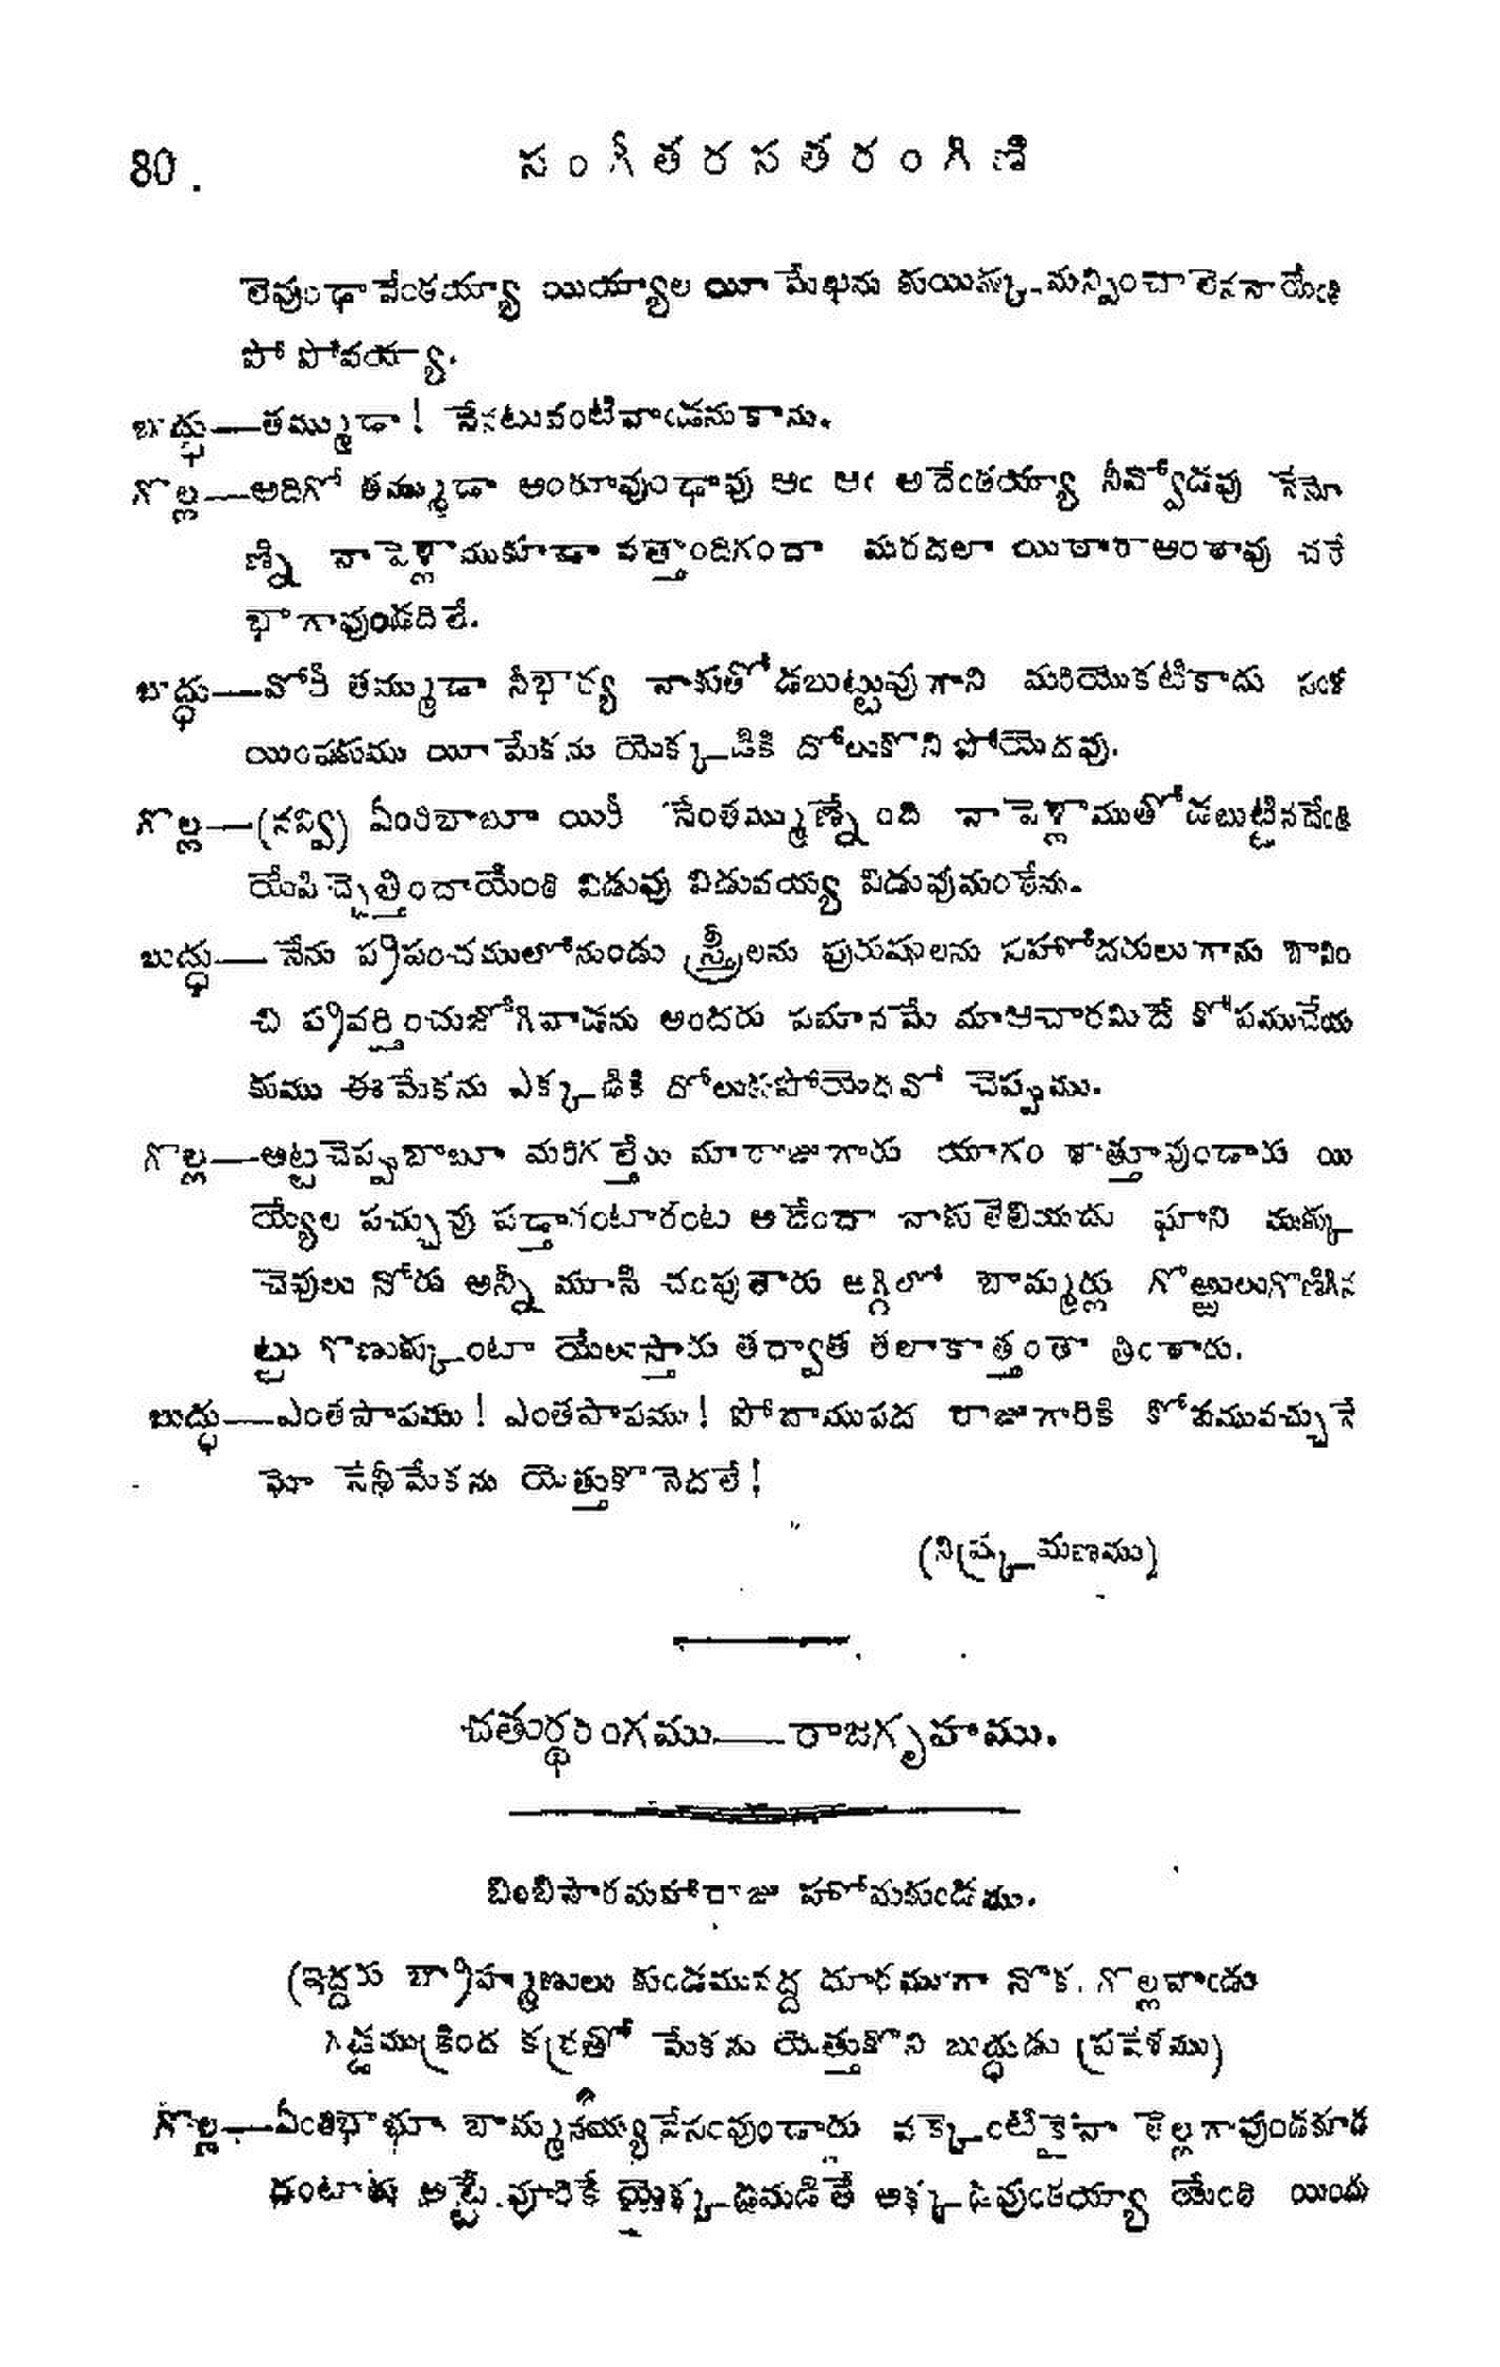లెవుండా వేంఠయ్యా యియ్యాల యీ మేఖను కుయిక్క మాన్పించా లెననాయేఁ పోపోవయ్యా.

బుద్ధు — తమ్ముడా! నేనటువంటివాఁడను కాను.

గొల్ల - అదిగో తమ్ముడా అంకూవుంఢావు ఆఁ ఆఁ అదేఁఠయ్యా నీవ్వోడవు నేమోణ్ని నా పెళ్లాము కూడా వత్తాందిగందా 
మరదలా యిటార అంటావు చరేభాగావుండదిలే.

బొద్ధు - వోరీ తమ్ముడా నీభార్య నాకుతోడబుట్టువు గాని మరియొకటికాదు సంశయింపకము యీ మేకను యెక్కడికి దోలుకొని పోయెదవు.

గొల్ల — (నవ్వి) ఏంరిబాబూ యిరీ నేంతమ్ముణ్నేంది నా పెళ్లాము తోడబుట్టినదేఁ యేపిచ్చెత్తిందాయేం. విడువు విడువయ్య 
విడువునుంకేను.

బుద్ధు - నేను ప్రపంచములోనుండు స్త్రీలను పురుషులను సహోదరులుగాను కావించి ప్రవర్తించుజోగివాడను అందరు సమానమే మాకిచారమిదే కోపముచేయకుము ఈ మేకను ఎక్కడికి దోలుకుపోయెదవో చెప్పుము.

గొల్ల - అట్టచెప్పుబాబూ మరిగల్తేను మారాజుగారు యాగం శాత్తూవుండారు యియ్యేల పచ్చువు పడ్తాగంటారంట అదేందా 
నాకు తెలియదు ఖాని ముక్కు చేవులు నోరు అన్నీ మూసి చంపుతారు అగ్గిలో బామ్మర్లు గొఱ్ఱులుగొణిగినట్టు గొణుక్కుంటా 
యేలుస్తారు తర్వాత తలాకాత్తంతా తింటారు.

బుద్ధు - ఎంత పాపము! ఎంతపాపము! పోదాముపద రాజుగారికి కోపమువచ్చునే ఘో నేనీమేకను యెత్తుకొనెదలే!

 

 

 

గొల్ల - ఏంతిభాభూ బామ్మనయ్య నేసంవుండారు వక్కెంటికైనా తెల్లగా వుండకూడ దంటారు అట్టే పూరికే యెక్కడనుడితే 
అక్కడివుంతయ్యా యేంత యిందు